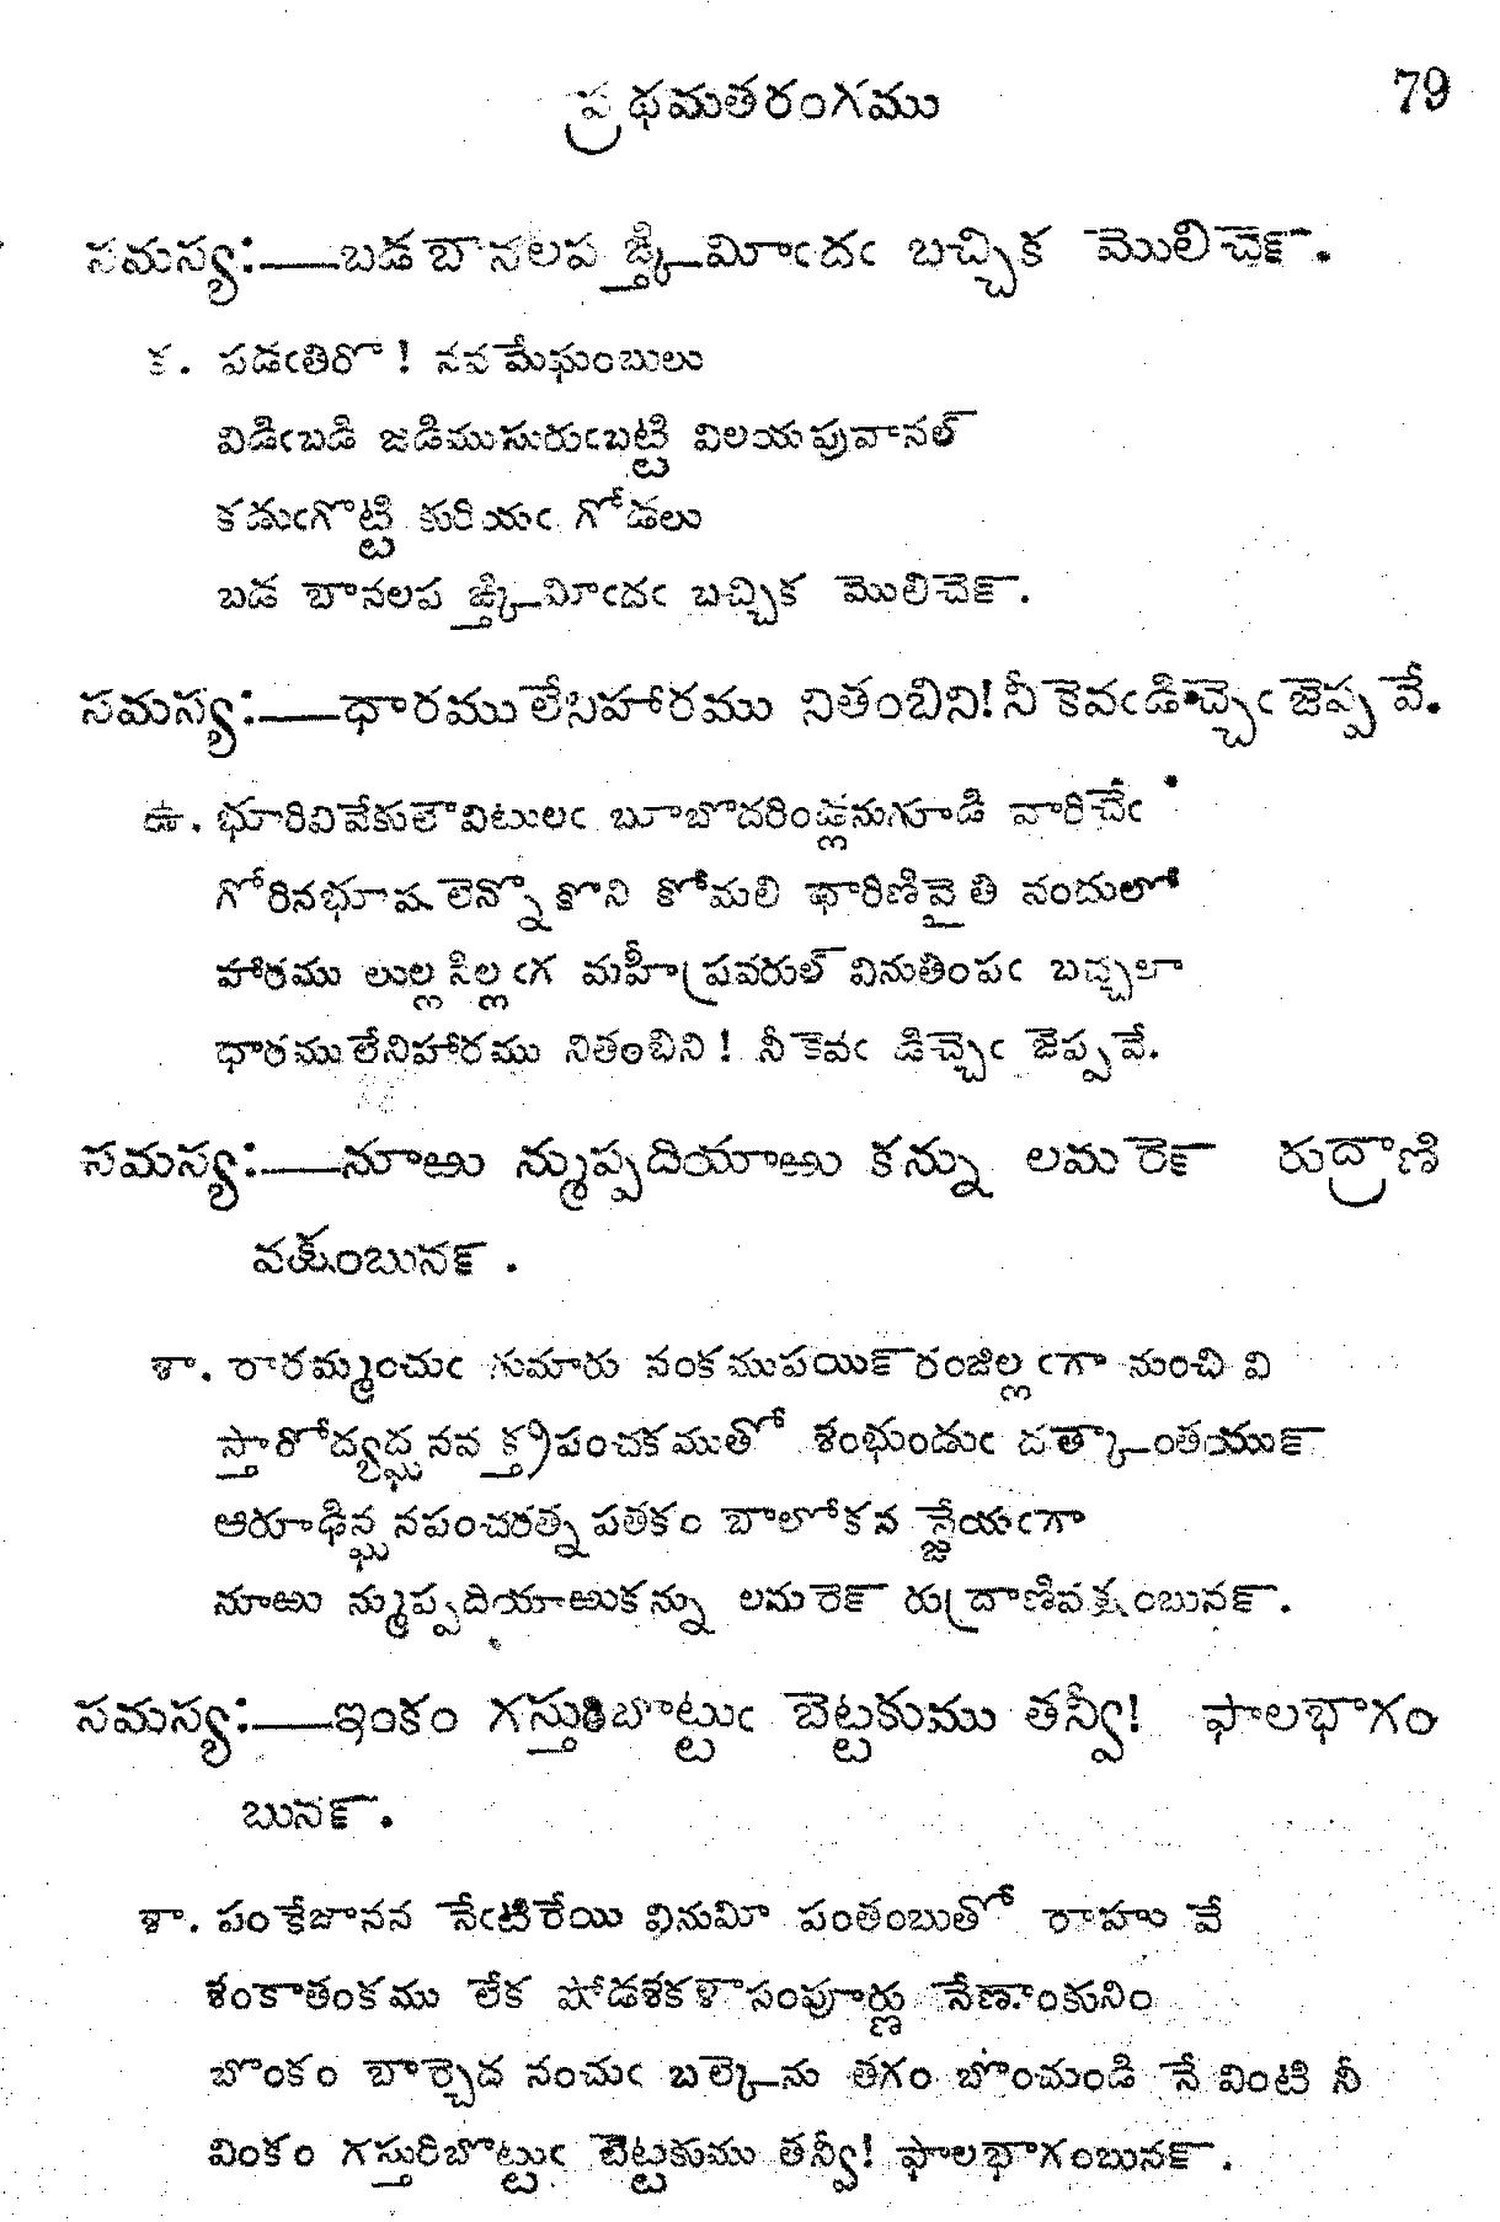సమస్య:—బడబానలపఙ్క్తిమీఁదఁ బచ్చిక మొలిచెన్

క. పడఁతిరొ! నవమేఘంబులు
 విడిఁబడి జడిముసురుఁబట్టి విలయపువానల్
 కడుఁగొట్టి కురియఁ గోడలు
 బడ బానలపఙ్క్తిమీఁదఁ బచ్చిక మొలిచెన్.

సమస్య:—ధారములేనిహారము నితంబిని! నీ కెవఁ డిచ్చెఁ జెప్పవే

ఉ. భూరివివేకులౌ విటులఁ బూఁబొదరిండ్లను గూడి వారిచే
 గోరిన భూషలెన్నొకొని కోమలి ధారిణివైతి వందులో
 హారము లుల్లసిల్లఁగ మహీప్రవరుల్ వినుతింపఁ బచ్చలా
 ధారములేనిహారము నితంబిని! నీ కెవఁ డిచ్చెఁ జెప్పవే.

సమస్య:—నూఱు న్ముప్పదియాఱు కన్ను లమరెన్ రుద్రాణివక్షంబునన్

శా. రారమ్మంచుఁ గుమారు నంకముపయిన్ రంజిల్లఁగా నుంచి వి
 స్తారోద్యద్ఘనవక్త్రపంచకముతో శంభుండుఁ దత్కాంతయున్
 ఆరూఢిన్ ఘనపంచరత్నపతకం బాలోకనన్ జేయఁగా
 నూఱు న్ముప్పదియాఱుకన్ను లమరెన్ రుద్రాణివక్షంబునన్.

సమస్య:—ఇంకం గస్తురిబొట్టుఁ బెట్టకుము తన్వీ! ఫాలభాగంబునన్

శా. పంకేజానన నేఁటిరేయి వినుమీ పంతంబుతో రాహు వే
 శంకాతంకము లేక షోడశకళాసంపూర్ణు నేణాంకునిం
 బొంకం బార్చెద నంచుఁ బల్కెను తగం బొంచుండి నే వింటి నీ
 వింకం గస్తురిబొట్టుఁ బెట్టకుము తన్వీ! ఫాలభాగంబునన్.